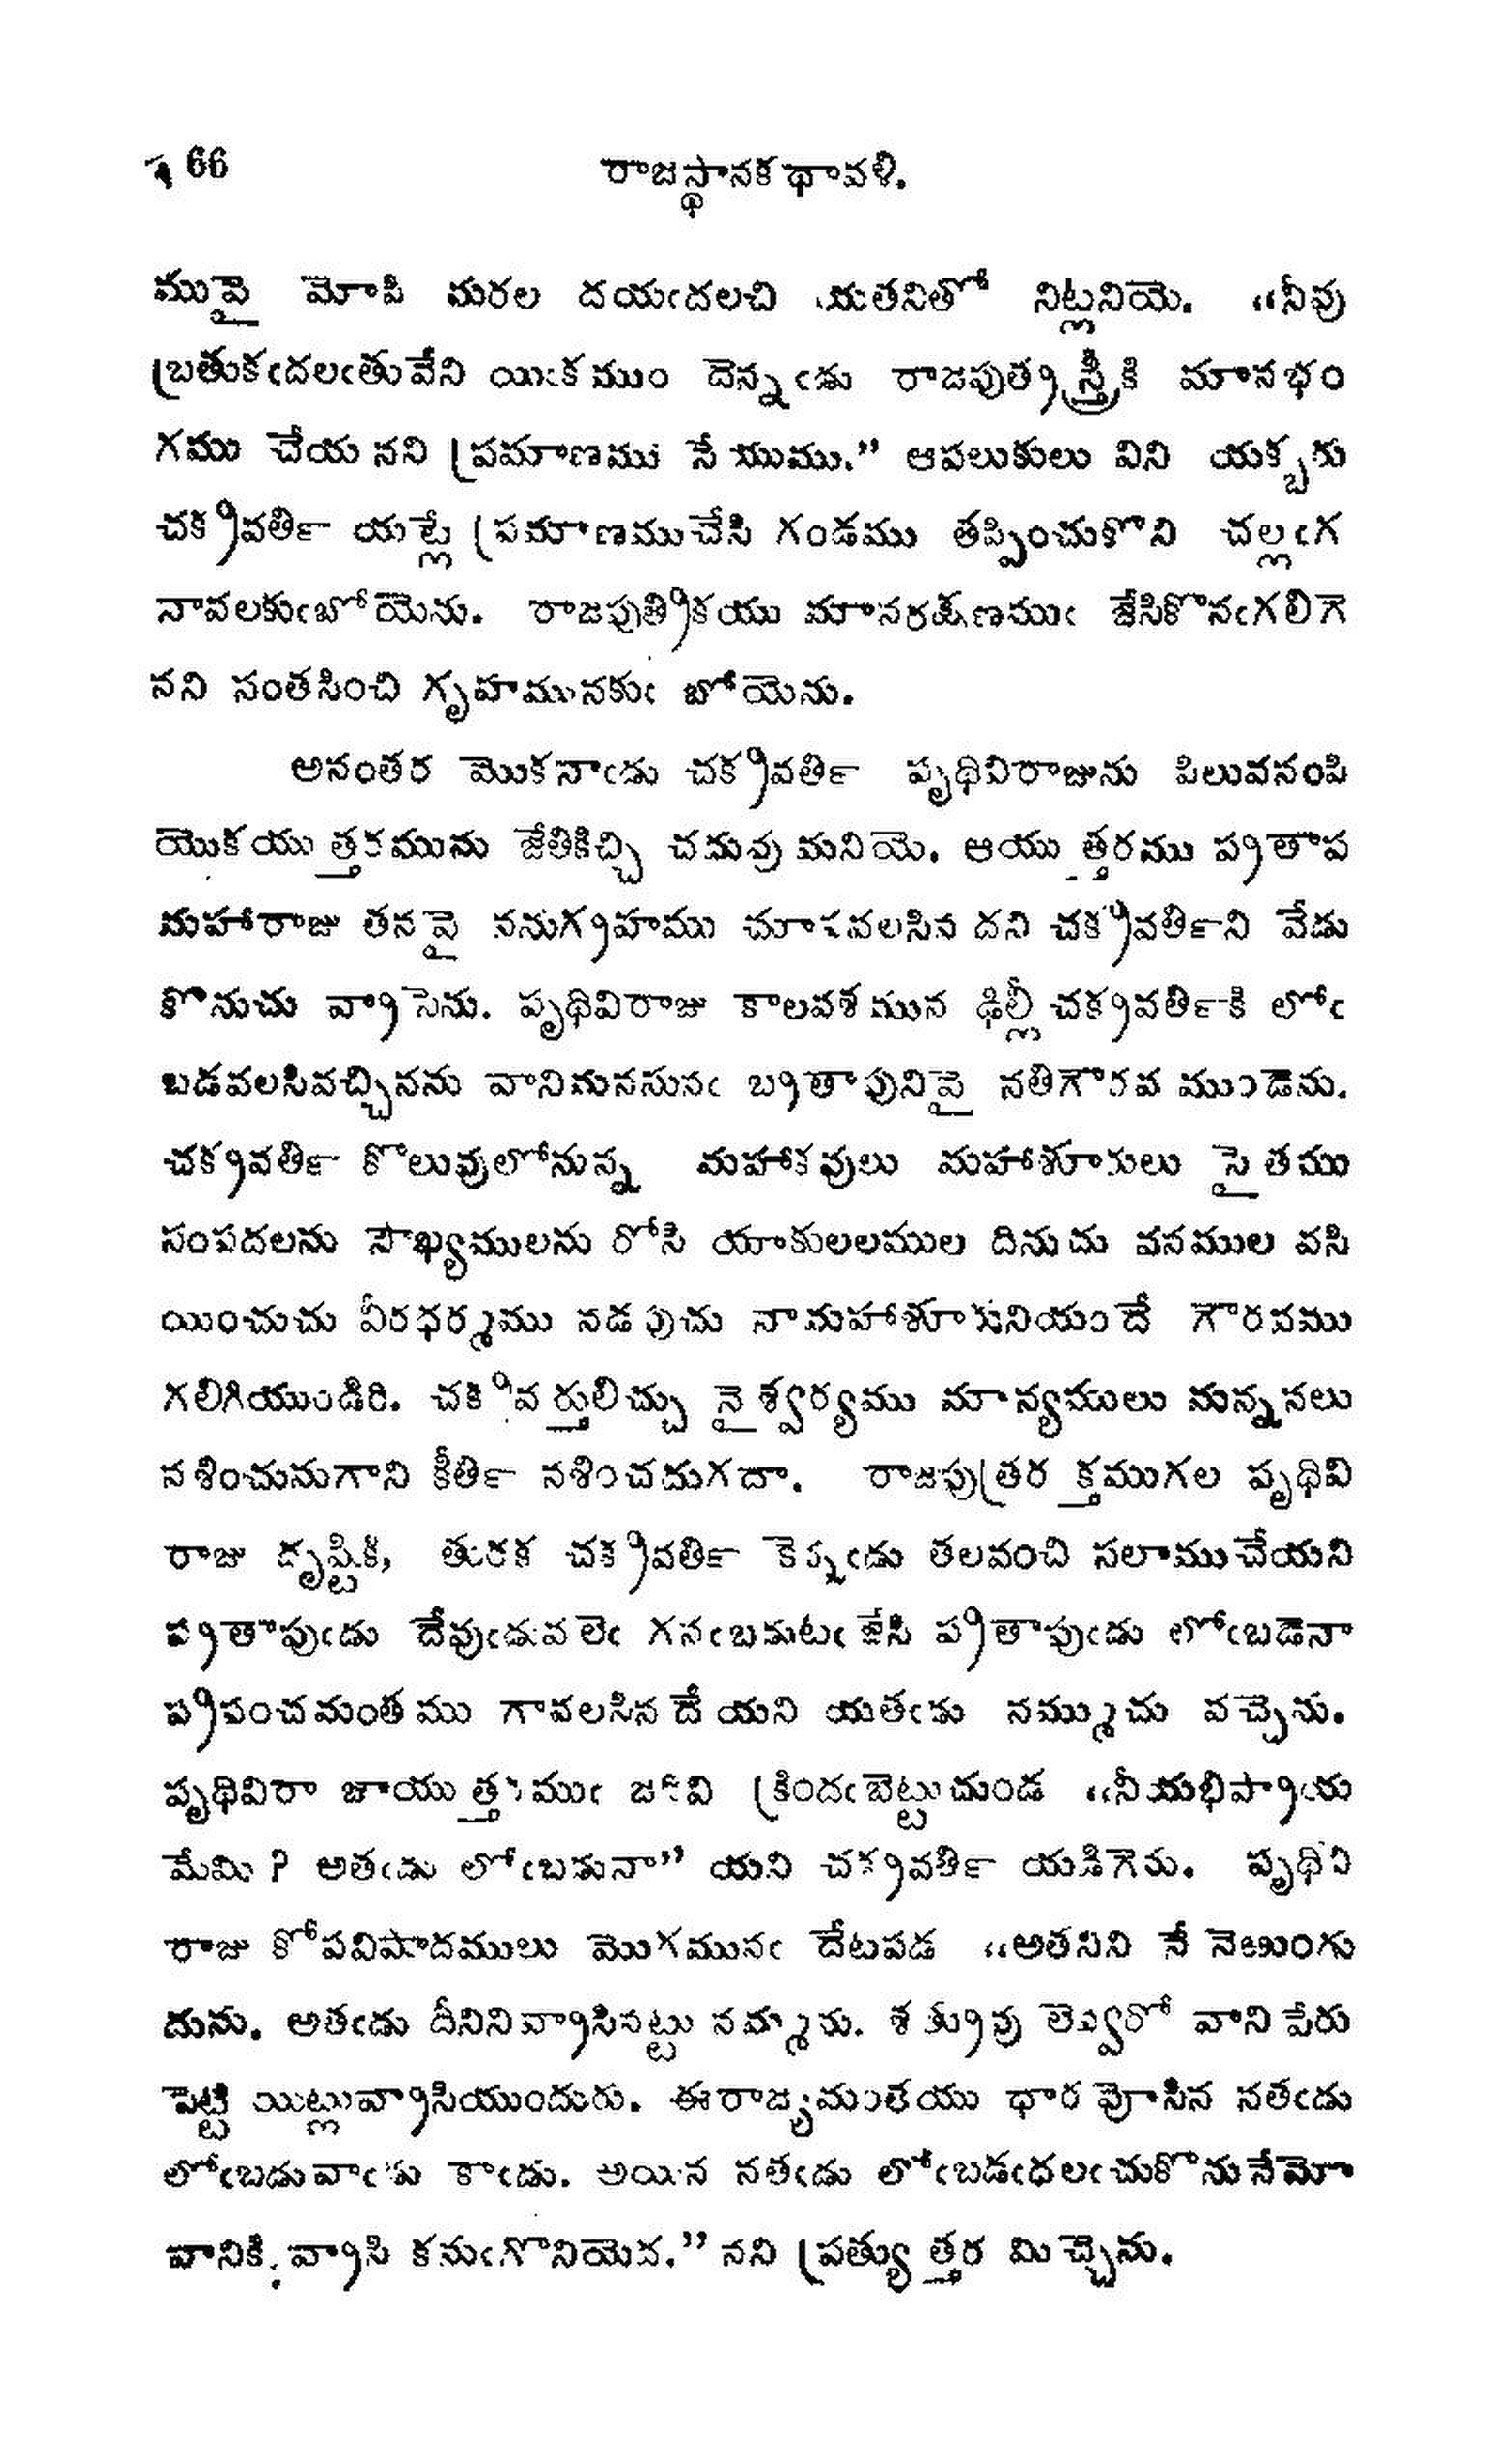ముపై మోపి మరల దయఁదలచి యతనితో నిట్లనియె. "నీవు బ్రతుకఁదలఁతువేని యింక ముందెన్నఁడు రాజపుత్ర స్త్రీకి మానభంగము చేయనని ప్రమాణము సేయుము.” ఆపలుకులు విని యక్బరు చక్ర వతి౯ యట్లే ప్రమాణము చేసి గండము తప్పించుకొని చల్లఁగ
నావలకుఁబోయెను. రాజపుత్రికయు మానరక్షణముఁ జేసికొనఁగలిగెనని సంతసించి గృహమునకుఁ బోయెను.

అనంతర మొకనాఁడు చక్రవతి౯ పృథివిరాజును పిలువనంపి యొక యుత్తరమును జేతికిచ్చి చదువు మనియె. ఆయుత్తరము ప్రతాప
మహా రాజు తనపై ననుగ్రహము చూపవలసిన దని చక్రవతి౯ని వేడుకొనుచు వ్రాసెను. పృథివిరాజు కాలవశమున ఢిల్లీ చక్రవతి౯కి లోఁ
బడవలసివచ్చినను వాని మనసునఁ బ్రతాపునిపై నతి గౌరవ ముండెను. చక్రవతి౯ కోలువులోనున్న మహాకవులు మహాశూరులు సైతము
సంపదలను సౌఖ్యములను రోసి యాకులలముల దినుచు వనముల వసియించుచు వీర ధర్మము నడపుచు నామహాశూరునియందే గౌరవము
గలిగియుండిరి. చక్రవర్తులిచ్చు నైశ్వర్యము మాన్యములు నున్ననలు నశించునుగాని కీతి౯ నశించదుగదా. రాజపుత్రరక్తముగల పృధివి
రాజు దృష్టికి, తురక చక్రవతి౯ కెన్నండు తలవంచి సలాము చేయని ప్రతాపుఁడు దేవుఁడువ లెఁ గనఁబడుటఁ జేసి ప్రతాపుఁడు లోఁబడెనా
ప్రపంచమంతము గావలసినదే యని యతఁడు నమ్ముచు వచ్చెను. పృథివీరా జాయుత్తరముఁ జదివి క్రిందఁ బెట్టు చుండ "నీ యభిప్రాయ
మేమి? అతఁడు లోఁబడునా" యని చక్రవతి౯ యడిగెను. పృథివిరాజు కోపవిషాదములు మొగమునఁ దేటపడ "అతనిని నే నెఱుంగు
దును. అతఁడు దీనిని వ్రాసినట్టు నమ్మను. శత్రువు లెవ్వరో వాని పేరు పెట్టి యిట్లు వ్రాసియుందురు. ఈ రాజ్యమంతయు ధారవోసిన నతఁడు లోఁబడు వాఁడు కాఁడు. అయిన నతఁడు లోఁబడఁదలఁచుకొనునేమో వానికి, వ్రాసి కనుఁగొనియెద.” నని ప్రత్యుత్తర మిచ్చెను.